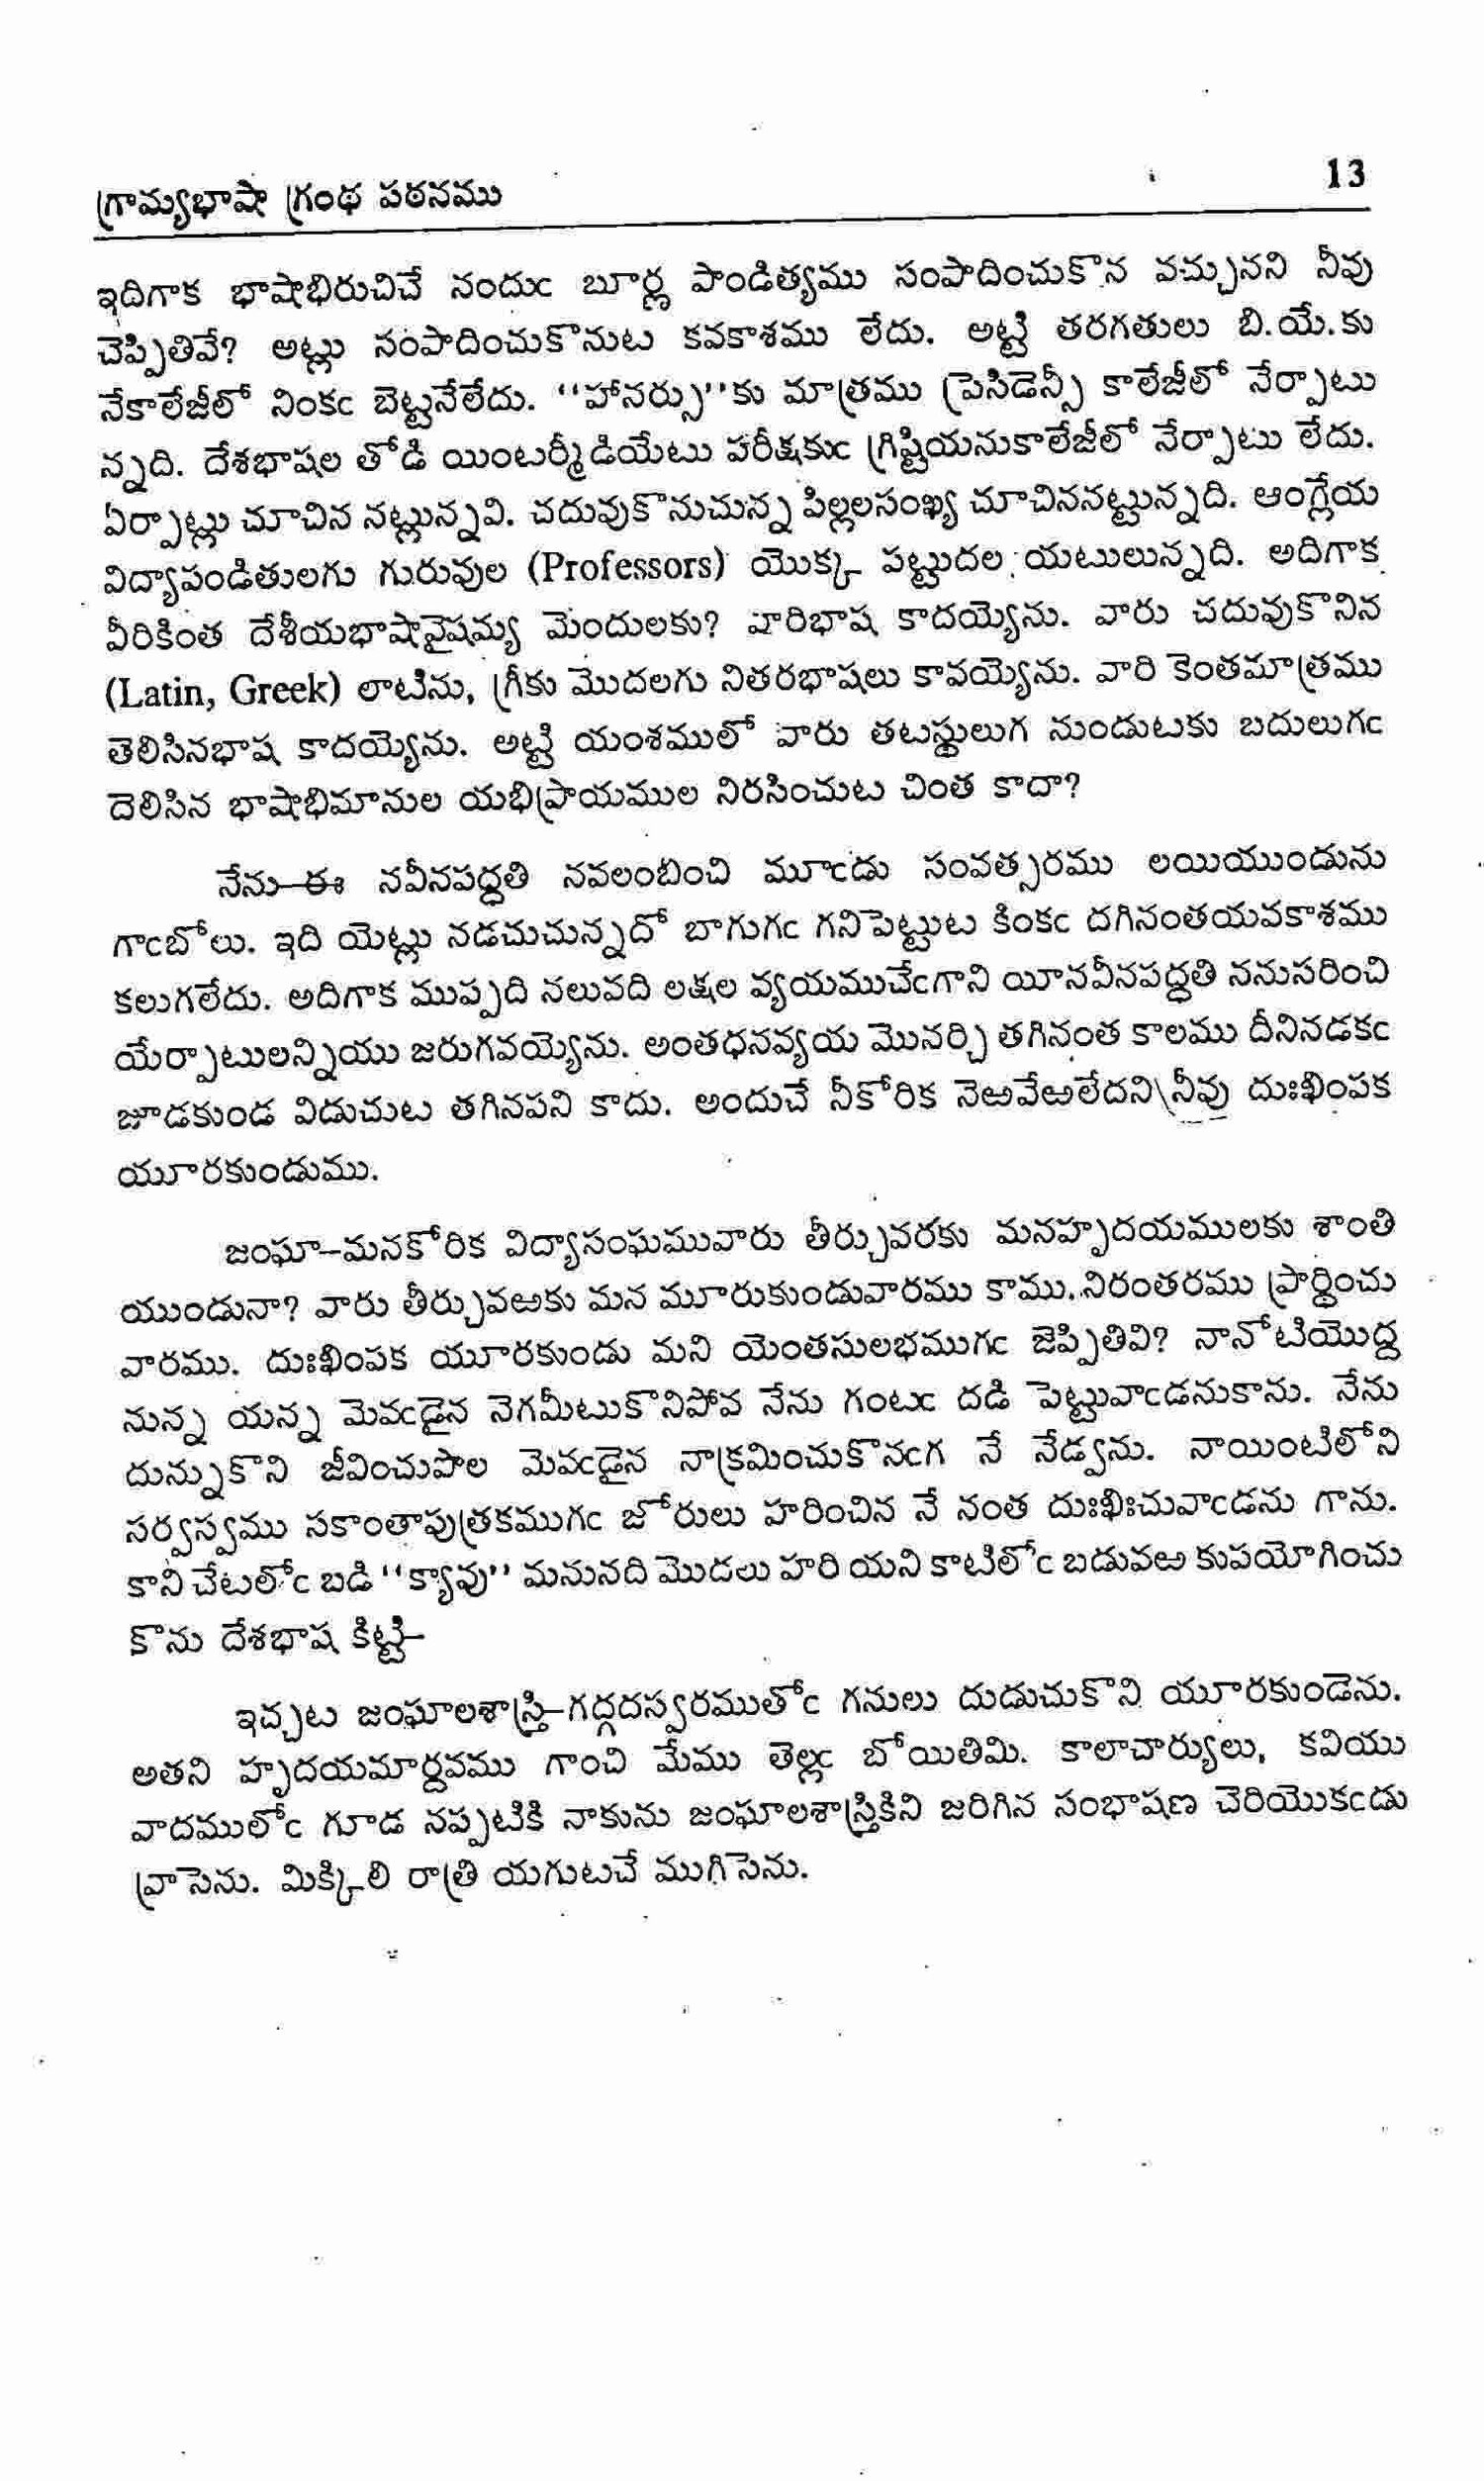ఇదిగాక భాషాభిరుచిచే నందుఁ బూర్ణ పాండిత్యము సంపాదించుకొన వచ్చునని నీవు చెప్పితివే? అట్లు సంపాదించుకొనుట కవకాశము లేదు. అట్టి తరగతులు బి.యే.కు నేకాలేజీలో నింకఁ బెట్టనేలేదు. “హానర్సు”కు మాత్రము ప్రెసిడెన్సీ కాలేజీలో నేర్పాటున్నది. దేశభాషల తోడి యింటర్మీడియేటు పరీక్షకుఁ గ్రిష్టియనుకాలేజీలో నేర్పాటు లేదు. ఏర్పాట్లు చూచిన నట్లున్నవి. చదువుకొనుచున్న పిల్లలసంఖ్య చూచిననట్టున్నది. ఆంగ్లేయ విద్యాపండితులగు గురువుల (Professors) యొక్క పట్టుదల యటులున్నది. అదిగాక వీరికింత దేశీయభాషావైషమ్య మెందులకు? హరిభాష కాదయ్యెను. వారు చదువుకొనిన
(Latin, Greek) లాటిను, గ్రీకు మొదలగు నితరభాషలు కావయ్యెను. వారి కెంతమాత్రము
తెలిసినభాష కాదయ్యెను. అట్టి యంశములో వారు తటస్థులుగ నుండుటకు బదులుగఁ
దెలిసిన భాషాభిమానుల యభిప్రాయముల నిరసించుట చింత కాదా?

నేను ఈ నవీనపద్ధతి నవలంబించి మూఁడు సంవత్సరము లయియుండును గాఁబోలు. ఇది యెట్లు నడచుచున్నదో బాగుగఁ గనిపెట్టుట కింకఁ దగినంతయవకాశము కలుగలేదు. అదిగాక ముప్పది నలువది లక్షల వ్యయముచేఁగాని యీనవీనపద్ధతి ననుసరించి యేర్పాటులన్నియు జరుగవయ్యెను. అంతధనవ్యయ మొనర్చి తగినంత కాలము దీనినడకఁ జూడకుండ విడుచుట తగినపని కాదు. అందుచే నీకోరిక నెఱవేఱలేదని నీవు దుఃఖింపక యూరకుండుము.

జంఘా మనకోరిక విద్యాసంఘమువారు తీర్చువరకు మనహృదయములకు శాంతి
యుండునా? వారు తీర్చువఱకు మన మూరుకుండువారము కాము. నిరంతరము ప్రార్థించు
వారము. దుఃఖింపక యూరకుండు మని యెంతసులభముగఁ జెప్పితివి? నానోటియొద్ద
నున్న యన్న మెవఁడైన నెగమీటుకొనిపోవ నేను గంటఁ దడి పెట్టువాఁడనుకాను. నేను
దున్నుకొని జీవించుపొల మెవఁడైన నాక్రమించుకొనఁగ నే నేడ్వను. నాయింటిలోని
సర్వస్వము సకాంతాపుత్రకముగఁ జోరులు హరించిన నే నంత దుఃఖించువాఁడను గాను.
కాని చేటలోఁబడి “క్యావు” మనునది మొడలు హరియని కాటిలోఁ బడువఱ కుపయోగించు
కొను దేశభాష కిట్టి

ఇచ్చట జంఘాలశాస్త్రి-గద్గదస్వరముతోఁ గనులు దుడుచుకొని యూరకుండెను.
అతని హృదయమార్దవము గాంచి మేము తెల్లఁ బోయితిమి. కాలాచార్యులు, కవియు
వాదములోఁ గూడ నప్పటికి నాకును జంఘాలశాస్త్రికిని జరిగిన సంభాషణ చెరియొకఁడు
వ్రాసెను. మిక్కిలి రాత్రి యగుటచే ముగిసెను.